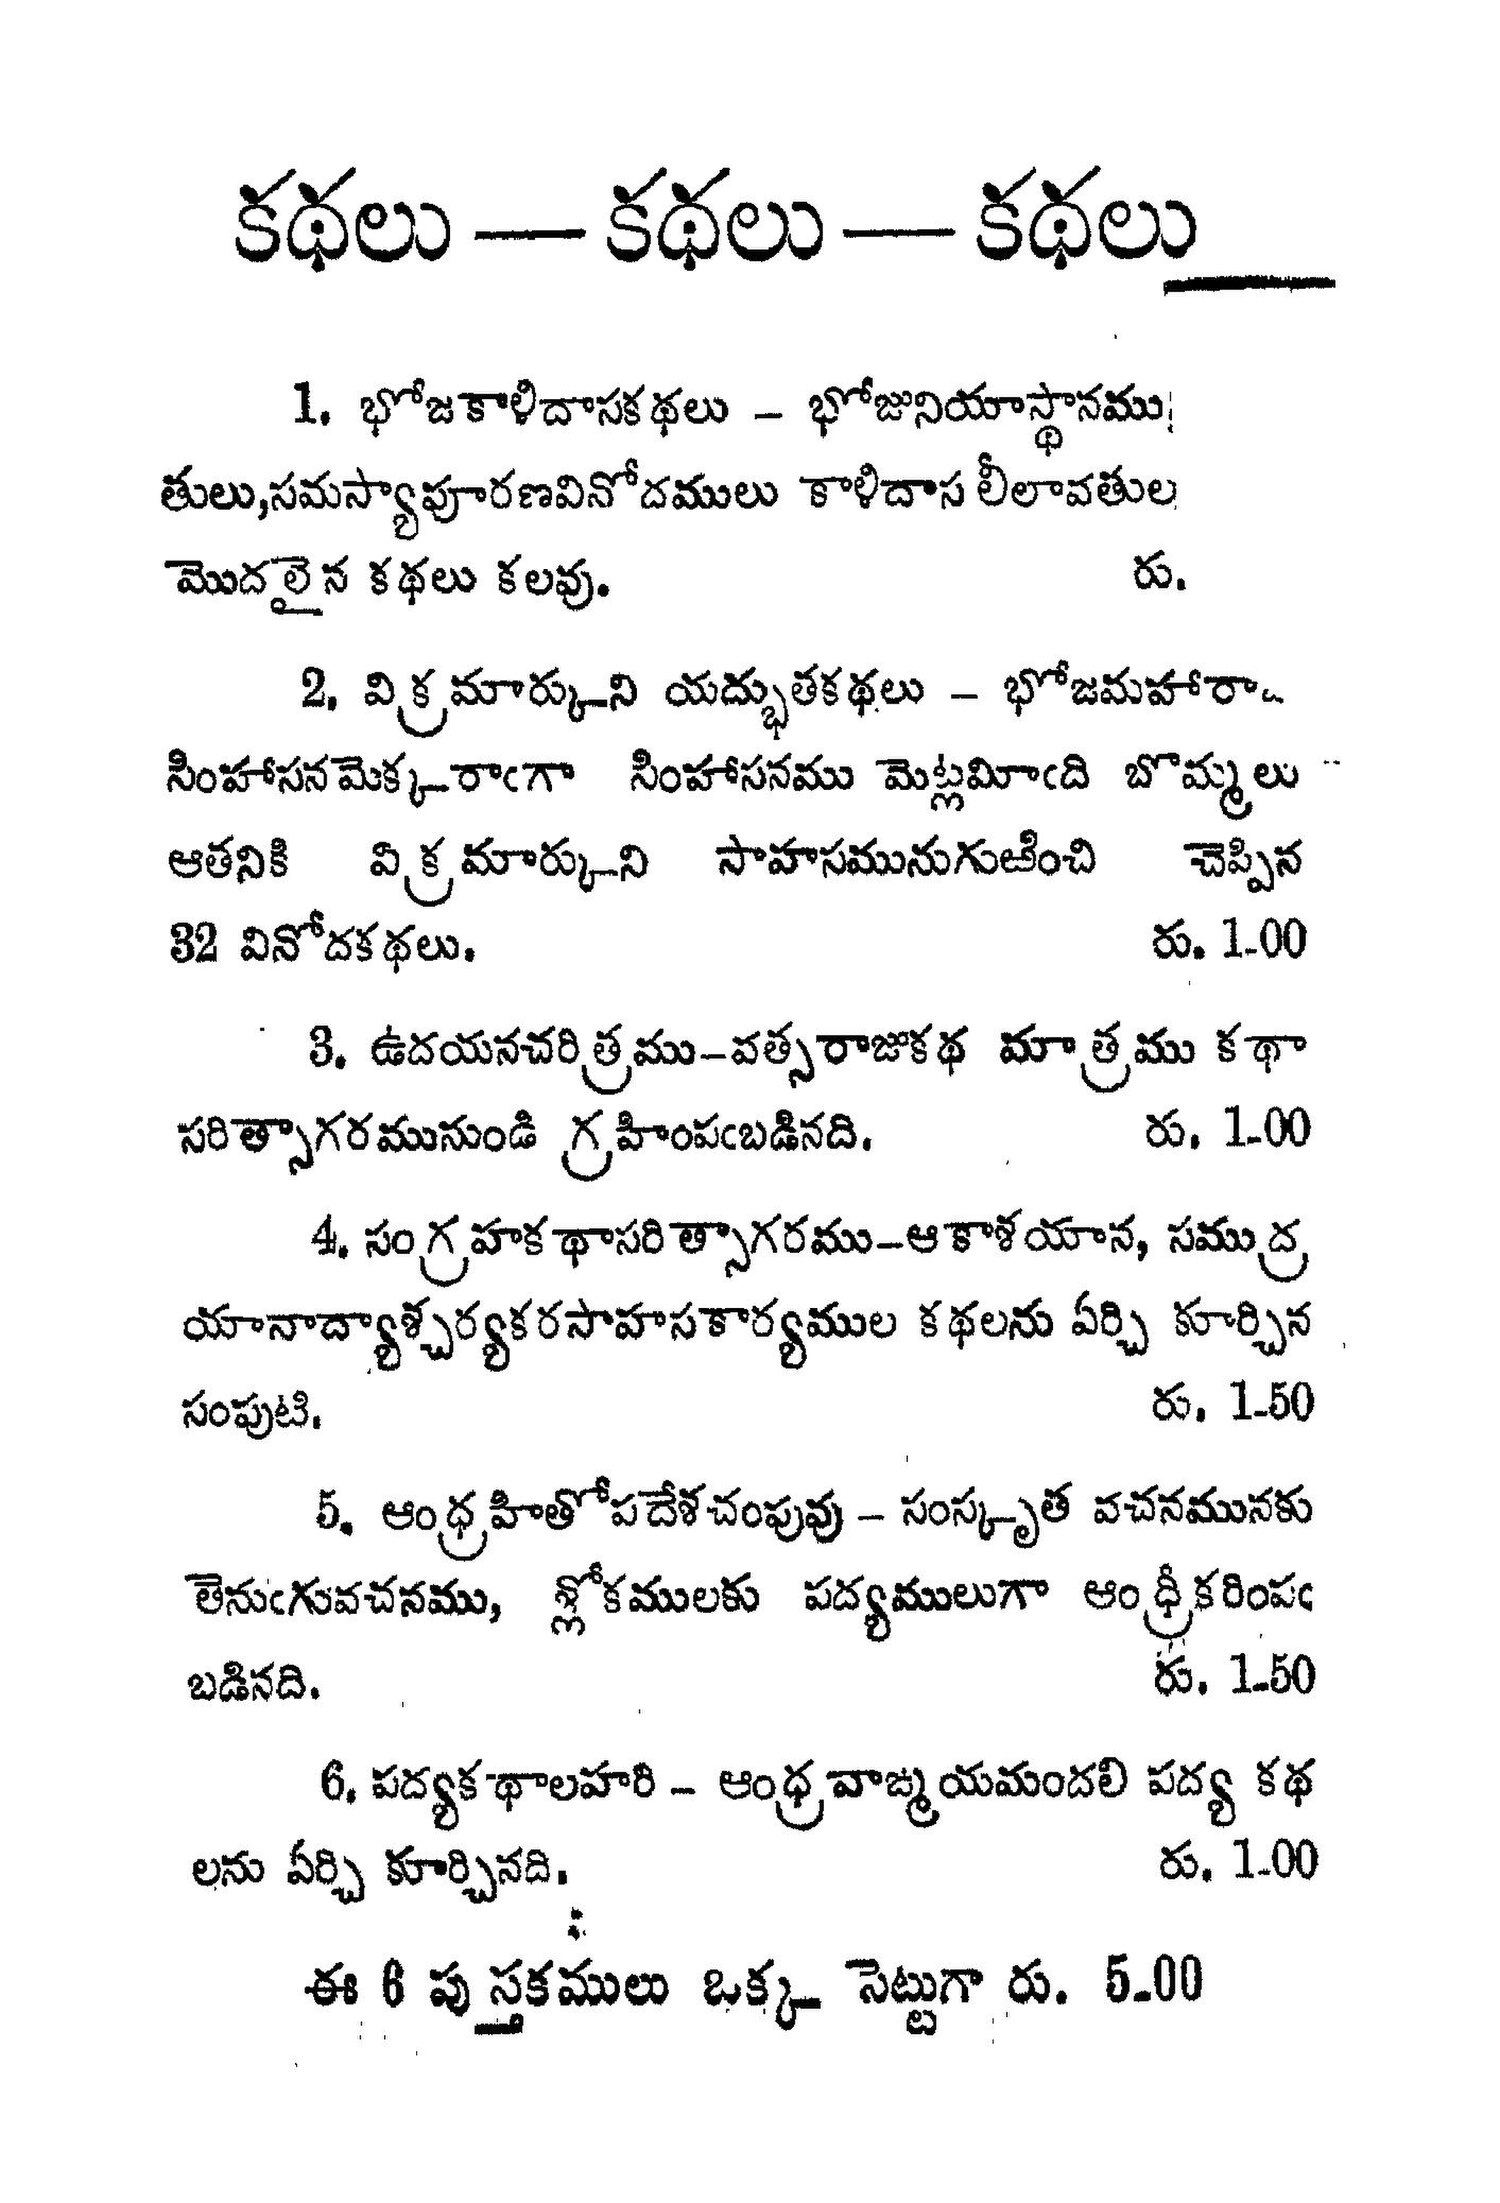కథలు — కథలు — కథలు
 1. భోజకాళిదాసకథలు భోజునియాస్థానము పండితులు, సమస్యాపూరణవినోదములు కాళిదాసలీలావతుల మొదలైన కథలు కలవు. రు. 1-00 2. విక్రమార్కుని యద్భుతకథలు భోజమహారాజ సింహాసనమెక్కరాఁగా సింహాసనము మెట్లమీఁది బొమ్మలు ఆతనికి విక్రమార్కుని సాహసమునుగుఱించి చెప్పిన 32 వినోదకథలు రు. 1 00 3. ఉదయనచరిత్రము వత్సరాజుకథ మాత్రము కథాసరిత్సాగరమునుండి గ్రహింపఁబడినది. రు. 1 00 4. సంగ్రహకథాసరిత్సాగరము ఆకాశయాన, సముద్రయానాద్యాశ్చర్యకరసాహసకార్యముల కథలను ఏర్చి కూర్చిన సంపుటి రు. 1 50 5. ఆంధ్రహితోపదేశచంపువు సంస్కృత వచనమునకు తెనుఁగువచనము, శ్లోకములకు పద్యములుగా ఆంధ్రీకరింపఁ బడినది రు. 1 50 6. పద్యకథాలహరి ఆంధ్రవాఙ్మయమందలి పద్య కథలను ఏర్చి కూర్చినది రు. 1 00 ఈ 6 పుస్తకములు ఒక్క సెట్టుగా రు. 5 00